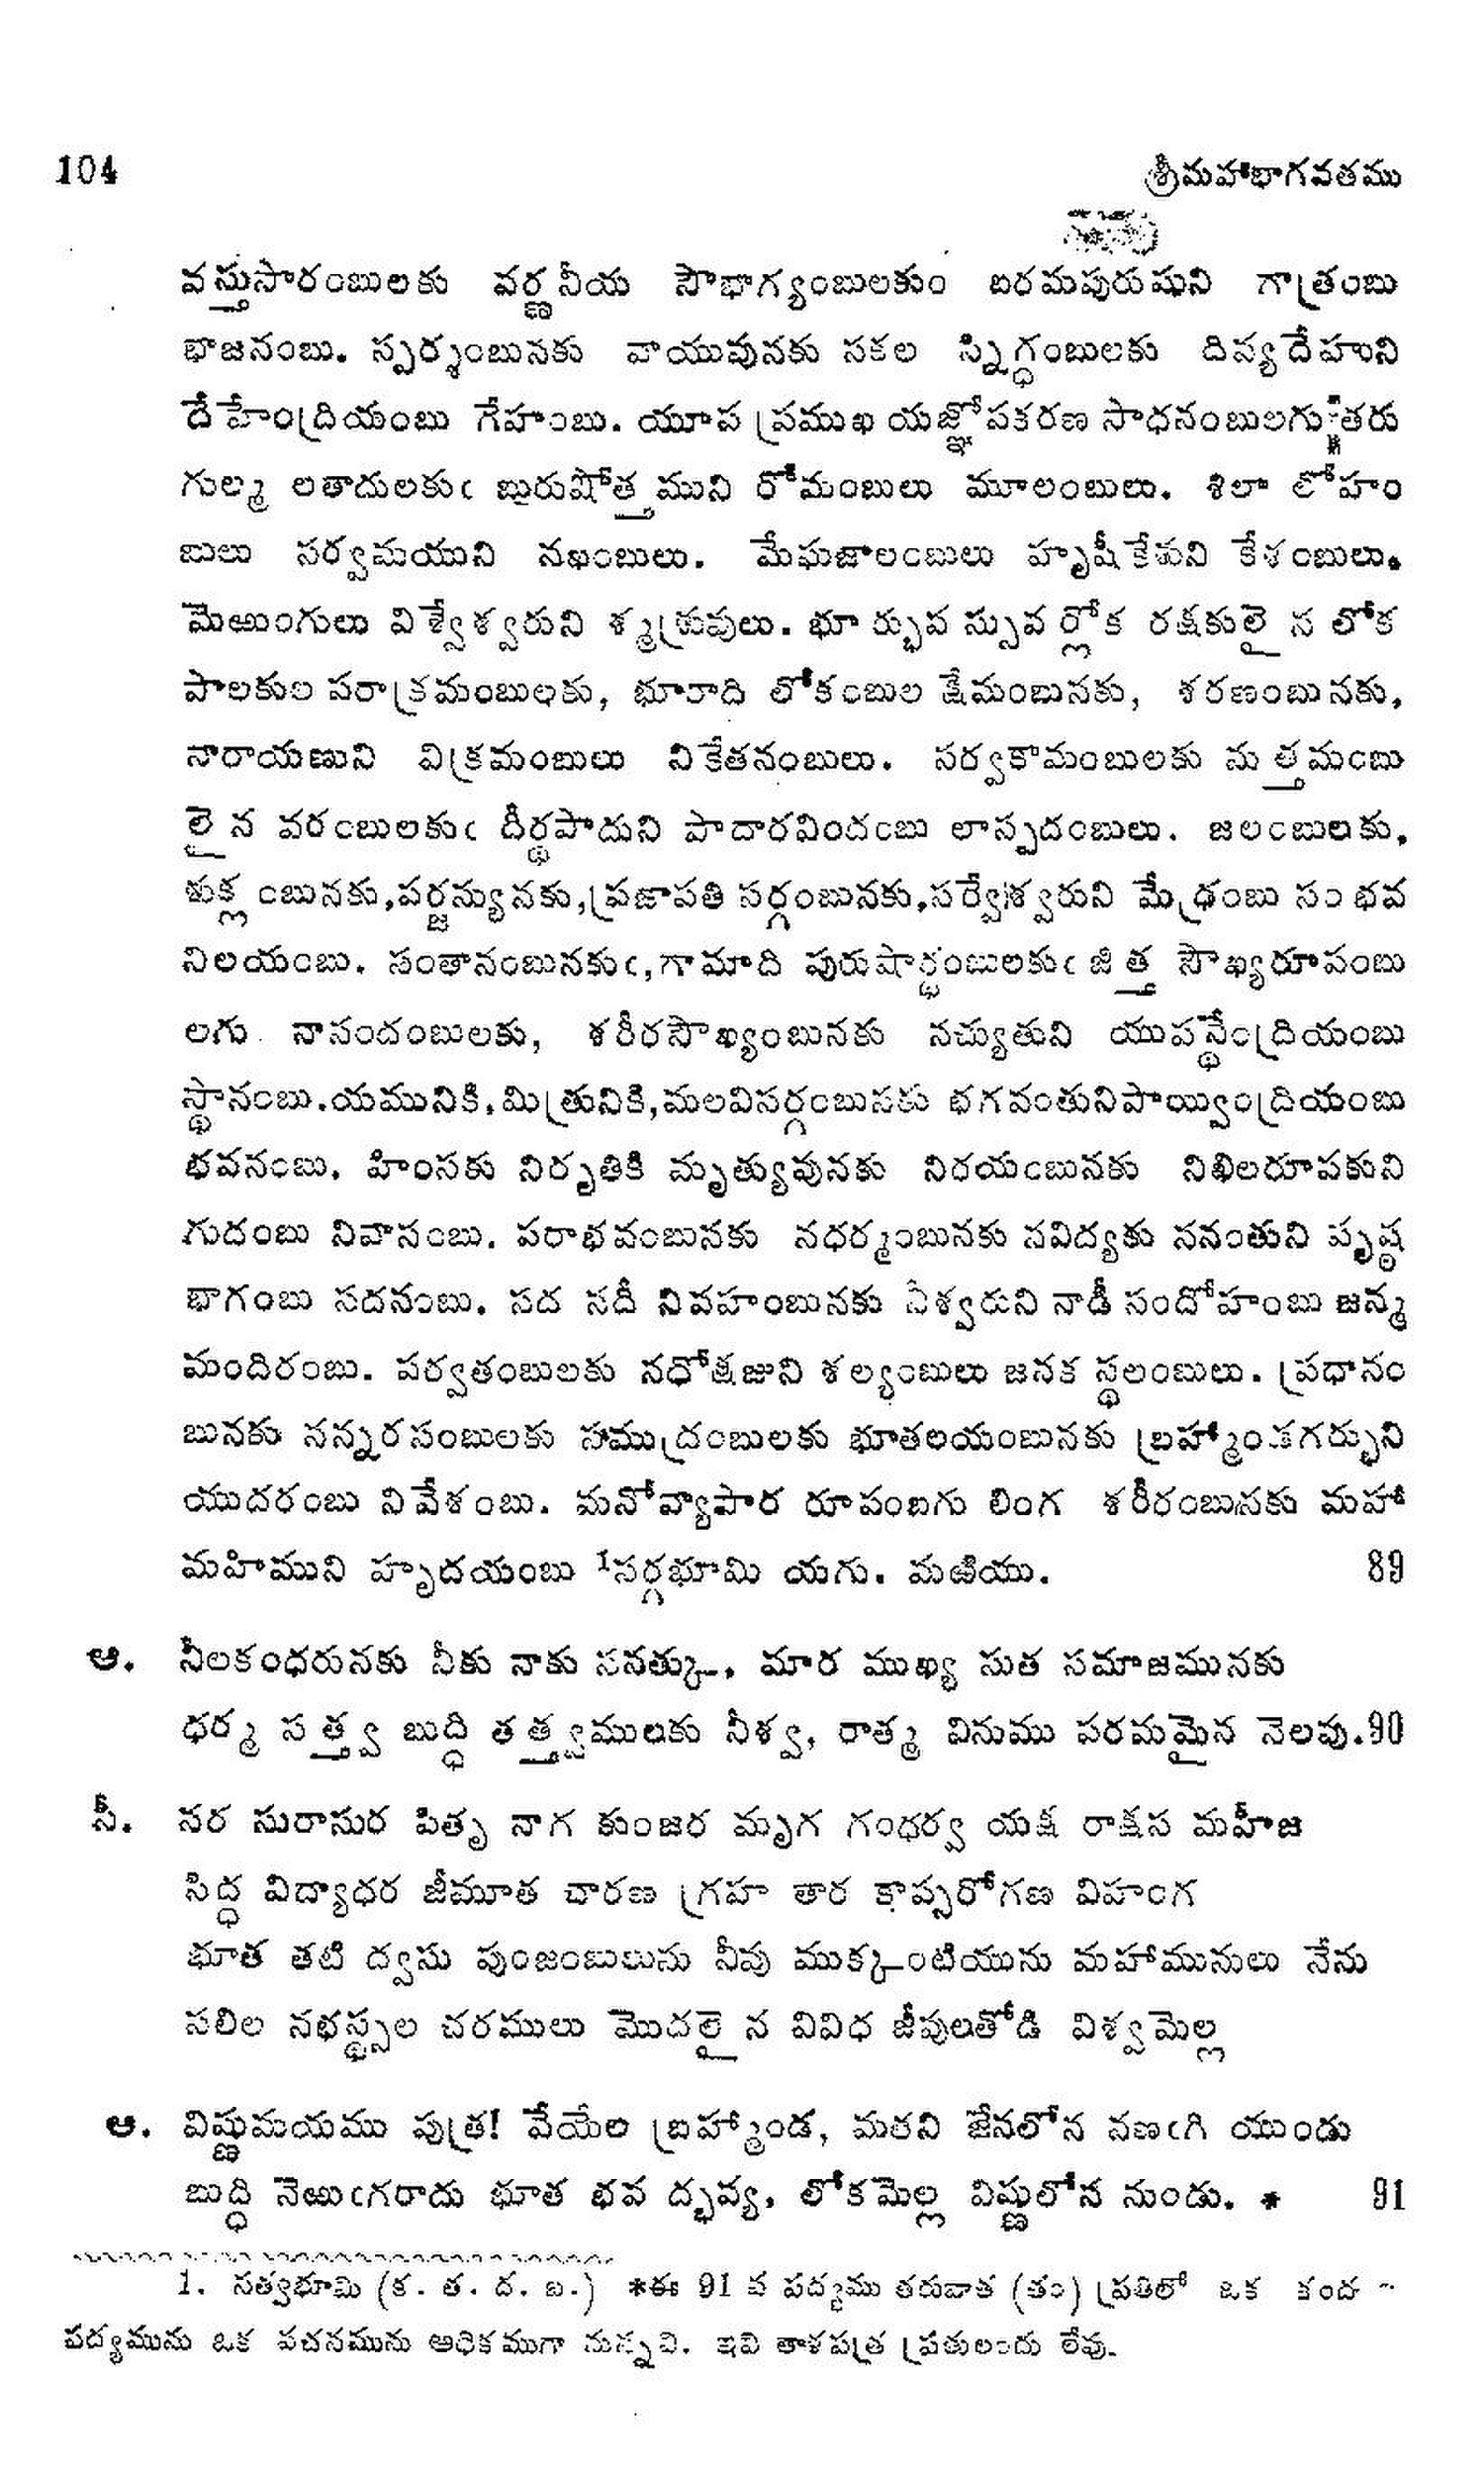104

వస్తుసారంబులకు వర్ణనీయ సౌభాగ్యంబులకుం బరమపురుషుని గాత్రంబు భాజనంబు. స్పర్శంబునకు వాయువునకు సకల స్నిగ్ధంబులకు దివ్యదేహుని దేహేంద్రియంబు గేహంబు, యూప ప్రముఖ యజ్ఞోపకరణ సాధనంబులగు తరుగుల్మ లతాందులకుఁ బురుషోత్తముని రోమంబులు మూలంబులు. శిలా లోహంబులు సర్వమయుని నఖంబులు, మేఘజాలంబులు హృషీకేశుని కేశంబులు. మెఱుంగులు విశ్వేశ్వరుని శ్మశ్రువులు, భూర్భువ స్సువర్లోక రక్షకులైన లోక పాలకుల పరాక్రమంబులకు, భూరాది లోకంబుల క్షేమంబునకు, శరనంబునకు, నారాయణుని విక్రంబులు నికేతనంబులు. సర్వకామంబులకు నుత్తమంబు లైన వరంబులకుఁ దీర్ధపాదుని పాదారవిందంబు లాస్పదంబులు. జలంబులకు, శుక్లంబునకు, పర్జన్యునకు, ప్రజాపతి సర్గంబునకు, సర్వేశ్వరుని మేడ్రంబు సంభవ నిలయంబు. సంతానంబునకుఁ గామాది పురుపార్థంబులకుఁ జిత్త సౌఖ్యరూపంబులకు నానందంబులకు, శరీర సౌఖ్యంబునకు నచ్యుతుని యుపస్థేంద్రియంబు స్థానంబు, యమునికి, మిత్రునికి, మలవిసర్గంబునకు భగవంతుని పాయ్మింద్రియంబు భువనంబు, హింసకు నిరృతికి మృత్యువునకు నిరయంబునకు నిఖిలరూపకుని గుదంబు నివాసంబు. పరాభవంబునకు నధర్మంబునకు నవిద్యకు ననంతుని పృష్ట భాగంబు సదనంబు. నద నదీ నివహంబునకు నీశ్వరుని నాడీ సందేహంబు జన్మ మందిరంబు. పర్వతంబులకు నధోక్షజుని శల్యంబులు జనక స్థలంబులు. ప్రధానంబునకు నన్నరసంబులకు సముద్రంబులకు భూవలయంబునకు బ్రహ్మాండ గర్భుని యుదరంబు నివేశంబు. మనోవ్యాపార రూపంబగు లింగ శరీరంబునకు మహా మహిముని హృదయంబు సర్గభూమి యగు. మఱియు. ( 89 )

ఆ. నీలకంధరునకు నీకు నాకు సనత్కు, మార ముఖ్య సుత-సమాజమునకు

ధర్మ సత్త్వ బుద్ధి తత్త్వములను నీశ్వ, రాత్మ వినుము పరమమైన నెలవు. ( 90 )

సీ. నర సురాసుర పితృ నాగ కుంజర మృగ గంధర్వ యక్ష రాక్షస మహీజ 

సిద్ధ విద్యాధర జీమూత చారణ గ్రహ తార కాప్సరోగణ విహంగ 

భూత తటి ద్వసు పుంజంబులను నీవు మూక్కంటియును మహామునులు నేను 

సలిల నభస్స్థల చరములు మొదలైన వివిధ జీవులతోడ విశ్వమెల్ల

ఆ. విష్ణు మయము పుత్ర! వేయేల బ్రహ్మాండ, మతని జేనలోన నణఁగి యుండు

బుద్ధి నెఱుఁగరాదు భూత ద్భవ్య, లోకమెల్ల విష్ణులోన నుండు. ( 91 )